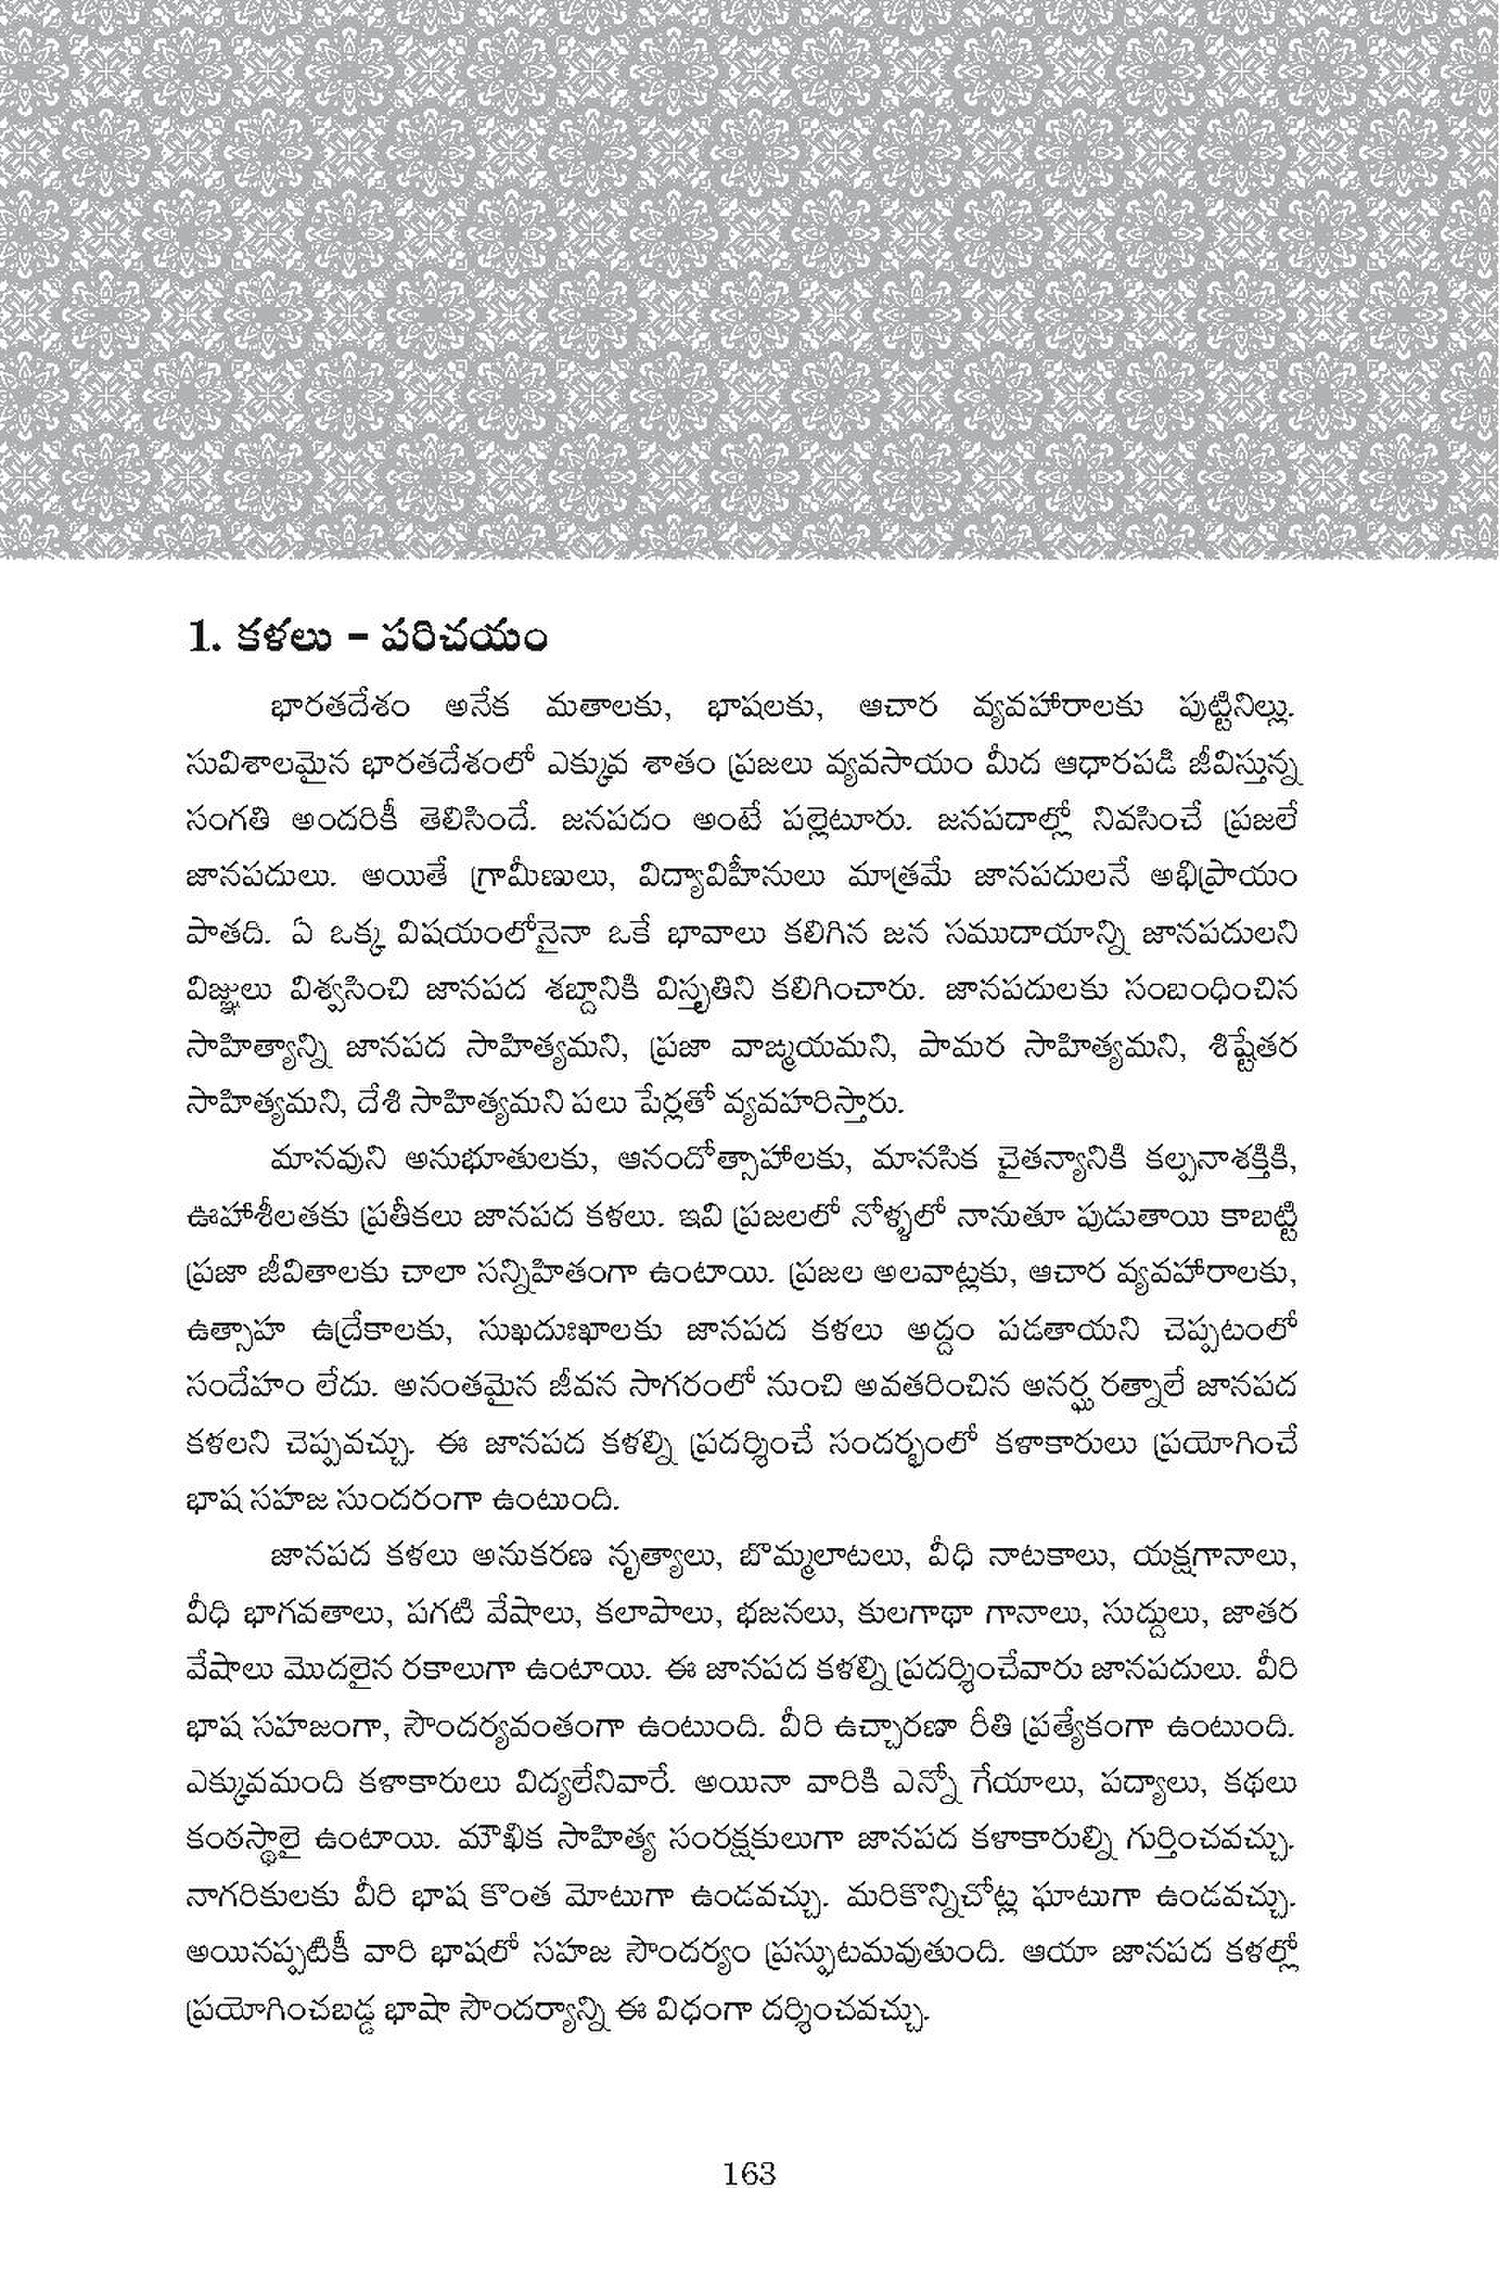1. కళలు - పరిచయం 

భారతదేశం అనేక మతాలకు, భాషలకు, ఆచార వ్యవహారాలకు పుట్టినిల్లు. సువిశాలమైన భారతదేశంలో ఎక్కువ శాతం ప్రజలు వ్యవసాయం మీద ఆధారపడి జీవిస్తున్న సంగతి అందరికీ తెలిసిందే. జనపదం అంటే పల్లెటూరు. జనపదాల్లో నివసించే ప్రజలే జానపదులు. అయితే గ్రామీణులు, విద్యావిహీనులు మాత్రమే జానపదులనే అభిప్రాయం పాతది. ఏ ఒక్క విషయంలోనైనా ఒకే భావాలు కలిగిన జన సముదాయాన్ని జానపదులని విజ్ఞులు విశ్వసించి జానపద శబ్దానికి విస్తృతిని కలిగించారు. జానపదులకు సంబంధించిన సాహిత్యాన్ని జానపద సాహిత్యమని, ప్రజా వాఙ్మయమని, పామర సాహిత్యమని, శిష్టేతర సాహిత్యమని, దేశి సాహిత్యమని పలు పేర్లతో వ్యవహరిస్తారు.

మానవుని అనుభూతులకు, ఆనందోత్సాహాలకు, మానసిక చైతన్యానికి కల్పనాశక్తికి, ఊహాశీలతకు ప్రతీకలు జానపద కళలు. ఇవి ప్రజలలో నోళ్ళలో నానుతూ పుడుతాయి కాబట్టి ప్రజా జీవితాలకు చాలా సన్నిహితంగా ఉంటాయి. ప్రజల అలవాట్లకు, ఆచార వ్యవహారాలకు, ఉత్సాహ ఉద్రేకాలకు, సుఖదుఃఖాలకు జానపద కళలు అద్దం పడతాయని చెప్పటంలో సందేహం లేదు. అనంతమైన జీవన సాగరంలో నుంచి అవతరించిన అనర్ఘ రత్నాలే జానపద కళలని చెప్పవచ్చు. ఈ జానపద కళల్ని ప్రదర్శించే సందర్భంలో కళాకారులు ప్రయోగించే భాష సహజ సుందరంగా ఉంటుంది.

జానపద కళలు అనుకరణ నృత్యాలు, బొమ్మలాటలు, వీధి నాటకాలు, యక్షగానాలు, వీధి భాగవతాలు, పగటి వేషాలు, కలాపాలు, భజనలు, కులగాథా గానాలు, సుద్దులు, జాతర వేషాలు మొదలైన రకాలుగా ఉంటాయి. ఈ జానపద కళల్ని ప్రదర్శించేవారు జానపదులు. వీరి భాష సహజంగా, సౌందర్యవంతంగా ఉంటుంది. వీరి ఉచ్చారణా రీతి ప్రత్యేకంగా ఉంటుంది. ఎక్కువమంది కళాకారులు విద్యలేనివారే. అయినా వారికి ఎన్నో గేయాలు, పద్యాలు, కథలు కంఠస్థాలై ఉంటాయి. మౌఖిక సాహిత్య సంరక్షకులుగా జానపద కళాకారుల్ని గుర్తించవచ్చు. నాగరికులకు వీరి భాష కొంత మోటుగా ఉండవచ్చు. మరికొన్నిచోట్ల ఘాటుగా ఉండవచ్చు. అయినప్పటికీ వారి భాషలో సహజ సౌందర్యం ప్రస్ఫుటమవుతుంది. ఆయా జానపద కళల్లో ప్రయోగించబడ్డ భాషా సౌందర్యాన్ని ఈ విధంగా దర్శించవచ్చు.